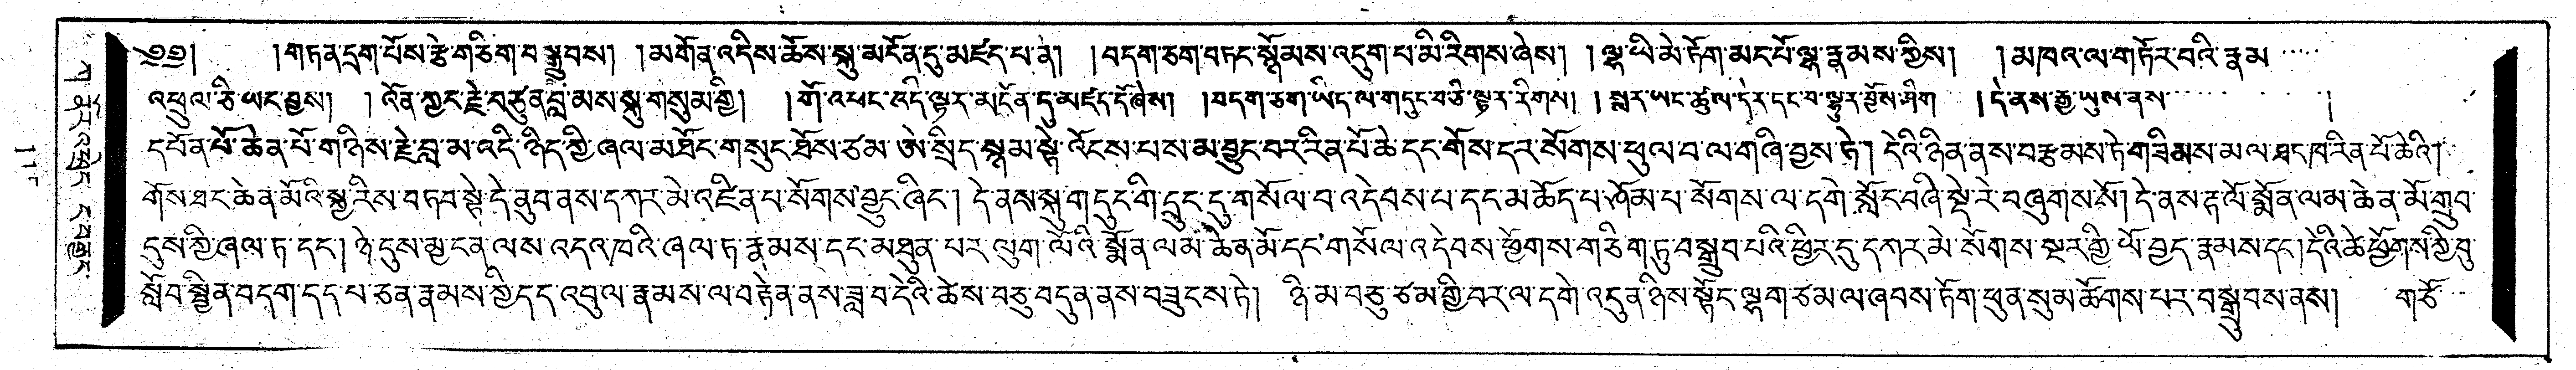༄༅། །གཏན་དྲག་པོས་རྩེ་གཅིག་བསྒྲུབས། །མགོན་འདིས་ཆོས་སྐུ་མངོན་དུ་མཛད་པ་ན། །བདག་ཅག་བཏང་སྙོམས་འདུག་པ་མི་རིགས་ཞེས། །ལྷ་ཡི་མེ་ཏོག་མང་པོ་ལྷ་རྣམས་ཀྱིས། །མཁའ་ལ་གཏོར་བའི་རྣམ་
འཕྲུལ་ཅི་ཡང་བྱས། །འོན་ཀྱང་རྗེ་བཙུན་བླ་མས་སྐུ་གསུམ་གྱི། །གོ་འཕང་འདི་ལྟར་མངོན་དུ་མཛད་དོ་ཞེས། །བདག་ཅག་ཡིད་ལ་གདུང་བ་ཅི་ལྟར་རིགས། །སླར་ཡང་ཚུལ་དེར་དང་བ་ལྷུར་བྱོས་ཤིག །དེ་ནས་རྒྱ་ཡུས་ནས་
དཔོན་པོ་ཆེན་པོ་གཉིས་རྗེ་བླ་མ་འདི་ཉིད་ཀྱི་ཞལ་མཐོང་གསུང་ཐོས་ཙམ་ཨེ་སྲིད་སྙམ་སྟེ་འོངས་པས་མ་བྱུང་བར་རིན་པོ་ཆེ་དང་གོས་དར་སོགས་ཕུལ་བ་ལ་གཞི་བྱས་ཏེ། དེའི་ཉིན་ནས་བརྩམས་ཏེ་གཟིམས་མལ་ཐང་ཁ་རིན་པོ་ཆེའི།
གོས་ཐང་ཆེན་མོའི་སྐྱ་རིས་བཏབ་སྟེ་དེ་ནུབ་ནས་དཀར་མེ་འཛིན་པ་སོགས་བྱུང་ཞིང་། དེ་ནས་སྐུ་གདུང་གི་དྲུང་དུ་གསོལ་བ་འདེབས་པ་དང་མཆོད་པ་ཤོམ་པ་སོགས་ལ་དགེ་སློང་བཞི་སྡེ་རེ་བཞུགས་སོ། དེ་ནས་རྟ་ལོ་སྨོན་ལམ་ཆེན་མོ་གྲུབ་
དུས་ཀྱི་ཞལ་ཏ་དང་། ཉེ་དུས་མྱ་ངན་ལས་འདའ་ཁའི་ཞལ་ཏ་རྣམས་དང་མཐུན་པར་ལུག་ལོའི་སྨོན་ལམ་ཆེན་མོ་དང་གསོལ་འདེབས་ཕྱོགས་གཅིག་ཏུ་བསྒྲུབ་པའི་ཕྱིར་དུ་དཀར་མེ་སོགས་སྔར་གྱི་ཡོ་བྱད་རྣམས་དང་། དེའི་ཚེ་ཕྱོགས་ཀྱི་བུ་
སློབ་སྦྱིན་བདག་དད་པ་ཅན་རྣམས་ཀྱི་དད་འབུལ་རྣམས་ལ་བརྟེན་ནས་ཟླ་བ་དེའི་ཚེས་བཅུ་བདུན་ནས་བཟུངས་ཏེ། ཉི་མ་བཅུ་ཙམ་གྱི་བར་ལ་དགེ་འདུན་ཉིས་སྟོང་ལྷག་ཙམ་ལ་ཞབས་ཏོག་ཕུན་སུམ་ཚོགས་པར་བསྒྲུབས་ནས། གཙོ་